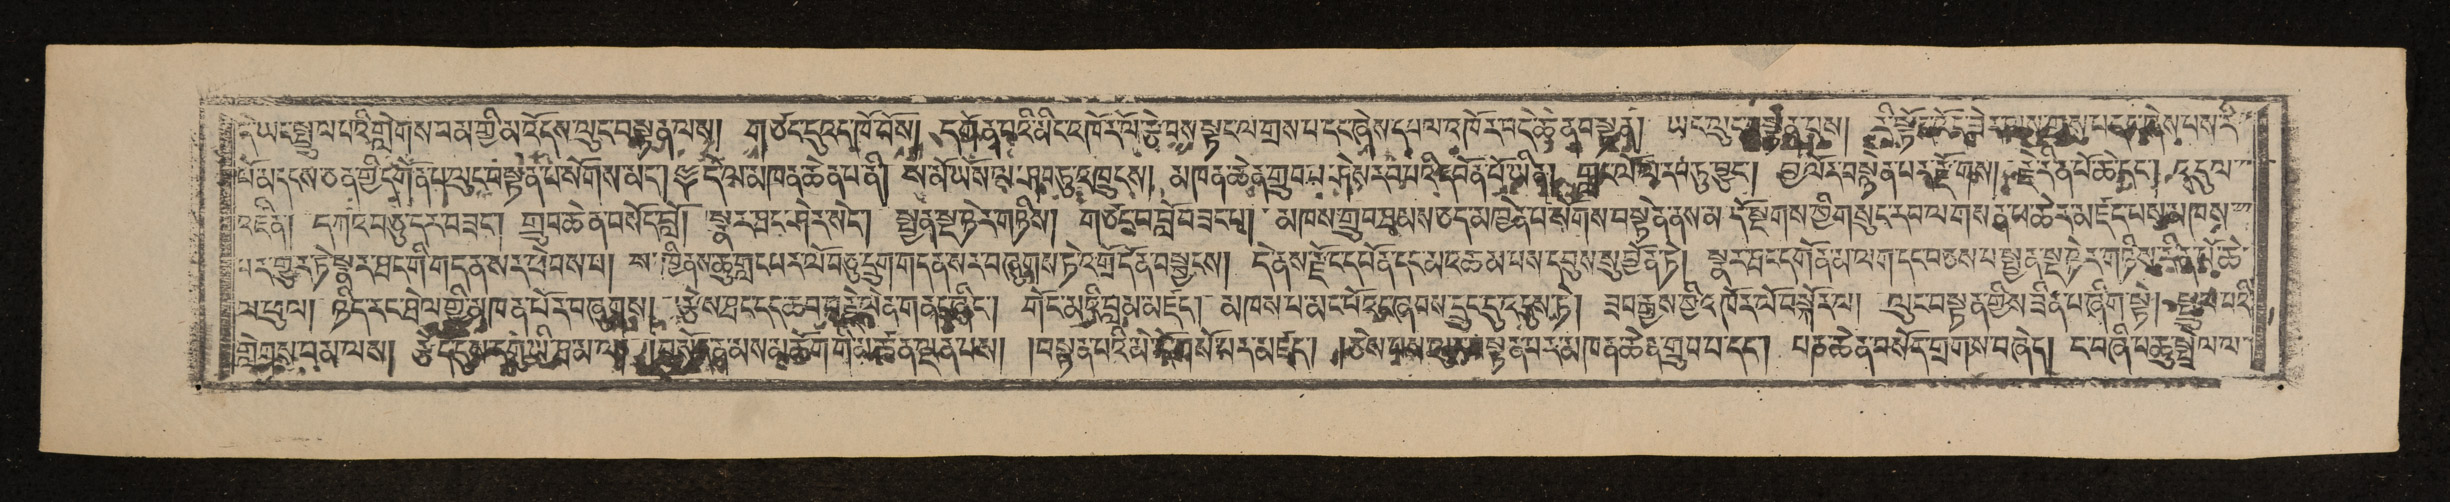དེ་ཡང་སྤྲུལ་པའི་གླེགས་བམ་གྱི་མ་འོངས་ལུང་བསྟན་ལས། གཙང་དུའང་ཁོ་བོས། དགོན་པའི་མིང་འཁོར་ལོ་རྩིབས་སྟོང་ལ་གྲས་པ་དང་ཞེས་དཔལ་འཁོར་བདེ་ཆེན་བསྟན། ཡང་ལུང་བསྟན་ལས། རི་སྟོད་འོད་ཟེར་ལས་གྲས་པ་དང་ཞེས་པས་རི་
བོ་མ་དངས་ཅན་གྱི་དགོན་པ་ལུང་བསྟན་པ་སོགས་མང་། ༈ དེ་ལ་མཁན་ཆེན་པ་ནི། ས་མོ་ཡོས་ལ་ཤབ་ཏུ་འཁྲུངས། མཁན་ཆེན་གྲུབ་པ་ཤེས་རབ་པའི་དཔོན་པོ་ཡིན། གླང་ལོ་ལ་རབ་ཏུ་བྱུང་། བྱ་ལོར་བསྙེན་པར་རྫོགས། རྗེ་རིན་པོ་ཆེ་དང་། འདུལ་
འཛིན། དཀའ་བཅུ་དར་བཟང་། གྲུབ་ཆེན་བསོད་བློ། སྣར་ཐང་ཤེར་སེང་། སྤྱན་སྔ་ཉེར་གཉིས། གཙང་བ་བློ་བཟང་བ། མཁས་གྲུབ་ཐམས་ཅད་མཁྱེན་པ་སོགས་བསྟེན་ནས་མདོ་སྔགས་ཀྱི་གསུང་རབ་ལ་གསན་པ་ཆེར་མཛད་པས་མཁས་
པར་གྱུར་ཏེ་སྣར་ཐང་གི་གདན་སར་ཕེབས་པ། ས་ཁྱི་ནས་ཆུ་གླང་བར་ལོ་བཅུ་དྲུག་གདན་སར་བཞུགས་ཏེ་འགྲོ་དོན་བསྐྱངས། དེ་ནས་རྫོང་དཔོན་དང་མ་འཆམ་པས་དབུས་སུ་བྱོན་ཏེ། སྣར་ཐང་དགོན་མ་ལག་དང་བཅས་པ་སྤྱན་སྔ་ཉེར་གཉིས་རིན་པོ་ཆེ་
ལ་ཕུལ། ཉིད་རང་ཐེལ་གྱི་མཁན་པོར་བཞུགས། རྩེས་ཐང་དང་ཆབ་བརྗེ་ལེན་གནང་ཞིང་། གོང་མའི་བླ་མ་མཛད། མཁས་པ་མང་པོའང་ཞབས་དྲུང་དུ་འདུས་ཏེ། ཟབ་རྒྱས་ཀྱི་འཁོར་ལོ་བསྐོར་ལ། ལུང་བསྟན་གྱིས་ཟིན་པ་ཞིག་སྟེ། སྤྲུལ་པའི་
གླེགས་བམ་ལས། རྩོད་དུས་དགུ་ཡི་ཐ་མ་ལ། །བསོད་ནམས་མཆོག་གི་མཚན་ལྡན་པས། །བསྟན་པའི་མེ་རོ་གསོ་བར་མཛོད། །ཅེས་པས་ལུང་བསྟན་པར་མཁན་ཆེན་གྲུབ་པ་དང་། པཎ་ཆེན་བསོད་གྲགས་བཞེད། ང་བཞི་པ་ཆུ་སྤྲེལ་ལ་